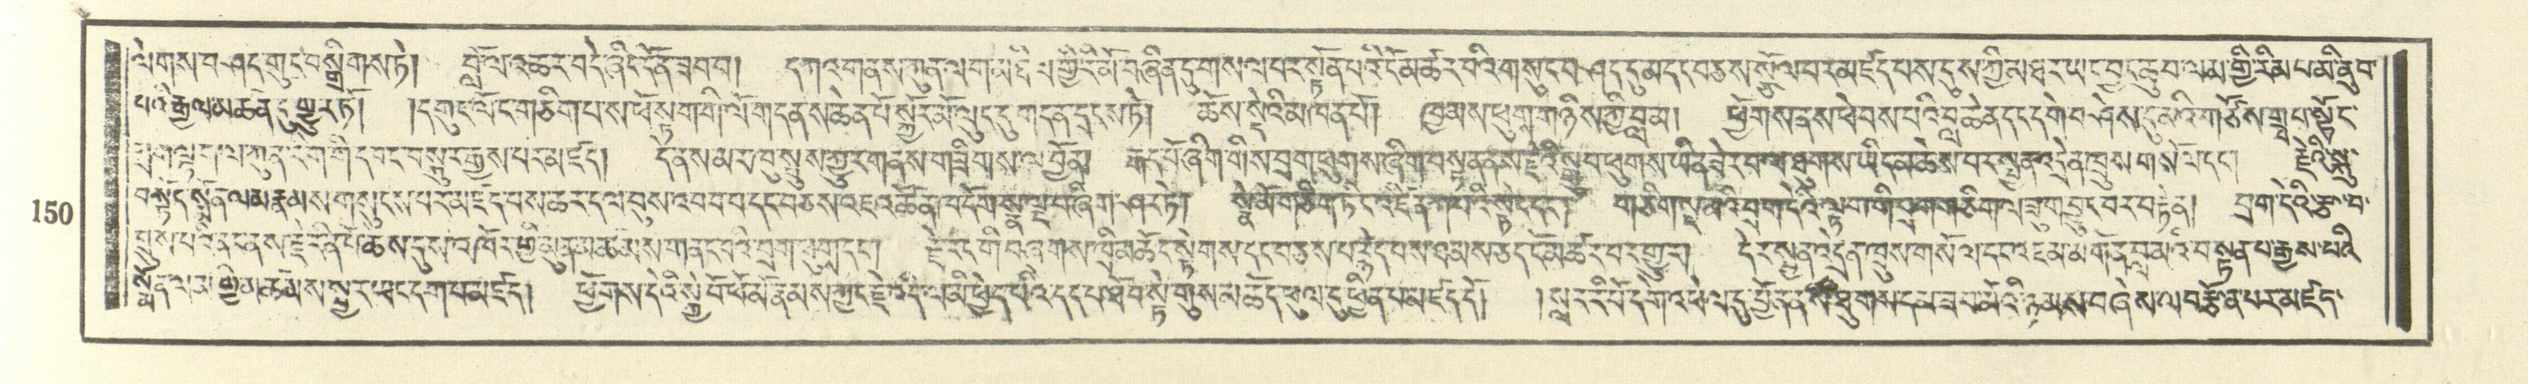ལེགས་བཤད་གུང་བསྒྲིགས་ཏེ། བློ་ལ་འཆར་བདེ་ཞིང་དོན་ཟབ་པ། དཀའ་གནས་ཀུན་ལག་མཐིལ་གྱི་རི་མོ་བཞིན་དུ་གསལ་བར་སྟོན་པའི་ངོ་མཚར་བའི་གསུང་བཤད་དུ་མ་དང་བཅས་སྩོལ་བར་མཛད་པས་དུས་ཀྱི་མཐར་ཡང་བྱང་ཆུབ་ལམ་གྱི་རིམ་པ་མི་ནུབ་
པའི་རྒྱལ་མཚན་དུ་གྱུར་ཏོ། །དགུང་ལོ་ང་གཅིག་པ་ས་ཕོ་སྟག་གི་ལོ་གདན་ས་ཆེན་པོ་སྐྱོར་མོ་ལུང་དུ་གདན་དྲངས་ཏེ། ཆོས་སྡེའི་མཁན་པོ། ཁྱམས་ཕུགས་གཉིས་ཀྱི་བླ་མ། ཕྱོགས་ནས་ཕེབས་པའི་བླ་ཆེན་དང་དགེ་བཤེས་དུ་མའི་གཙོས་གྲྭ་པ་སྟོང་
ཕྲག་ལྷག་ལ་ཀུན་རིག་གི་དབང་བསྐུར་རྒྱས་པར་མཛད། དེ་ནས་མར་ཁུ་སྤུས་ཀྱུར་གནས་གཟིགས་ལ་བྱོན། རྒད་པོ་ཞིག་གིས་བྲག་ཕུགས་ཞིག་བསྟན་ནས་རྗེའི་སྒྲུབ་ཕུགས་ཡིན་ཟེར་བ་ལ་ཐུགས་ཡིད་མ་ཆེས་པར་སྤྱན་འདྲེན་ཁྲུས་གསོལ་དང་། རྗེའི་སྐུ་
བསྟོད་སྨོན་ལམ་རྣམས་གསུངས་པར་མཛད་པས་ཆར་དལ་བུས་འབབ་པ་དང་བཅས་འཇའ་ཚོན་ཁ་དོག་སྣ་ལྔ་པ་ཞིག་ཤར་ཏེ། སྣེ་མོ་གཅིག་ཏིང་འཛིན་ཀ་པའི་སྟེང་དང་། གཅིག་སྔ་མའི་བྲག་དེའི་ལྟག་གི་བྲག་གཅིག་ལ་ཟུག་བྱུང་བར་བརྟེན། བྲག་དེའི་རྩ་བ་
བྲུས་པའི་ནང་ནས་རྗེ་རིན་པོ་ཆེས་དུས་འཁོར་གྱི་མུན་མཚམས་གནང་བའི་བྲག་ཕུག་དང་། རྗེ་རང་གི་བཞུགས་ཁྲི་མཆོད་སྟེགས་དང་བཅས་པ་རྙེད་པས་ཐམས་ཅད་ངོ་མཚར་བར་གྱུར། དེར་སྤྱན་འདྲེན་ཁྲུས་གསོལ་དང་འཇམ་མགོན་བླ་མའི་བསྟན་པ་རྒྱས་པའི་
སྨོན་ལམ་གྱི་མཚམས་སྦྱར་ཡང་དག་པ་མཛད། ཕྱོགས་དེའི་སྐྱེ་བོ་ཕོ་མོ་རྣམས་ཀྱང་རྗེ་འདི་ལ་མི་ཕྱེད་པའི་དད་པ་ཐོབ་སྟེ་གུས་མཆོད་ཕུལ་དུ་ཕྱིན་པ་མཛད་དོ། །སླར་རི་པོ་དགེ་འཕེལ་དུ་བྱོན་ནས་ཐུགས་དམ་ཟབ་མོའི་ཉམས་བཞེས་ལ་བརྩོན་པར་མཛད།